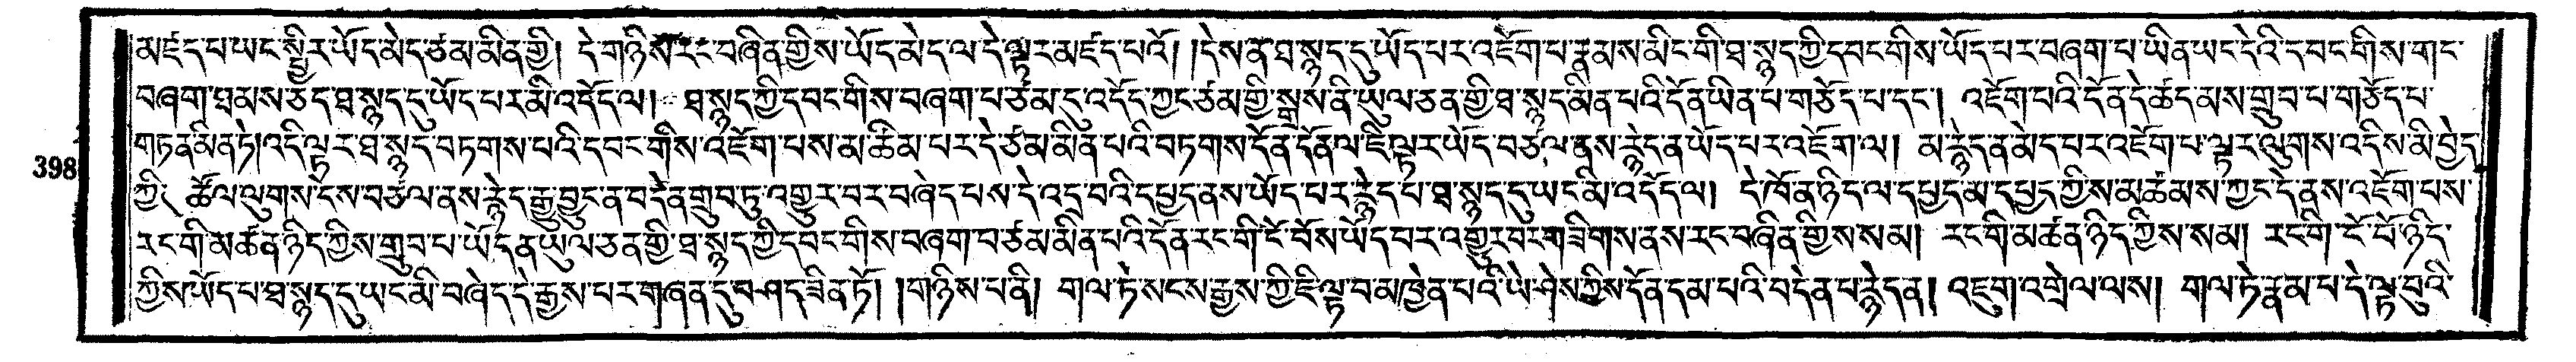མཛད་པ་ཡང་སྤྱིར་ཡོད་མེད་ཙམ་མིན་གྱི། དེ་གཉིས་རང་བཞིན་གྱིས་ཡོད་མེད་ལ་དེ་ལྟར་མཛད་པའོ། །དེས་ན་ཐ་སྙད་དུ་ཡོད་པར་འཇོག་པ་རྣམས་མིང་གི་ཐ་སྙད་ཀྱི་དབང་གིས་ཡོད་པར་བཞག་པ་ཡིན་ཡང་དེའི་དབང་གིས་གང་
བཞག་ཐམས་ཅད་ཐ་སྙད་དུ་ཡོད་པར་མི་འདོད་ལ། ཐ་སྙད་ཀྱི་དབང་གིས་བཞག་པ་ཙམ་དུ་འདོད་ཀྱང་ཙམ་གྱི་སྒྲས་ནི་ཡུལ་ཅན་གྱི་ཐ་སྙད་མིན་པའི་དོན་ཡིན་པ་གཅོད་པ་དང་། འཇོག་པའི་དོན་དེ་ཚད་མས་གྲུབ་པ་གཅོད་པ་
གཏན་མིན་ཏེ། འདི་ལྟར་ཐ་སྙད་བཏགས་པའི་དབང་གིས་འཇོག་པས་མ་ཚིམ་པར་དེ་ཙམ་མིན་པའི་བཏགས་དོན་དོན་ལ་ཇི་ལྟར་ཡོད་བཙལ་ནས་རྙེད་ན་ཡོད་པར་འཇོག་ལ། མ་རྙེད་ན་མེད་པར་འཇོག་པ་ལྟར་ལུགས་འདིས་མི་བྱེད་
ཀྱི༑ ཚོལ་ལུགས་དེས་བཙལ་ནས་རྙེད་རྒྱུ་བྱུང་ན་བདེན་གྲུབ་ཏུ་འགྱུར་བར་བཞེད་པས་དེ་འདྲ་བའི་དཔྱད་ནས་ཡོད་པར་རྙེད་པ་ཐ་སྙད་དུ་ཡང་མི་འདོད་ལ། དེ་ཁོ་ན་ཉིད་ལ་དཔྱད་མ་དཔྱད་ཀྱི་ས་མཚམས་ཀྱང་དེ་ནས་འཇོག་པས་
རང་གི་མཚན་ཉིད་ཀྱིས་གྲུབ་པ་ཡོད་ན་ཡུལ་ཅན་གྱི་ཐ་སྙད་ཀྱི་དབང་གིས་བཞག་པ་ཙམ་མིན་པའི་དོན་རང་གི་ངོ་བོས་ཡོད་པར་འགྱུར་བར་གཟིགས་ནས་རང་བཞིན་གྱིས་སམ། རང་གི་མཚན་ཉིད་ཀྱིས་སམ། རང་གི་ངོ་བོ་ཉིད་
ཀྱིས་ཡོད་པ་ཐ་སྙད་དུ་ཡང་མི་བཞེད་དེ་རྒྱས་པར་གཞན་དུ་བཤད་ཟིན་ཏོ། །གཉིས་པ་ནི། གལ་ཏེ་སངས་རྒྱས་ཀྱི་ཇི་ལྟ་བ་མཁྱེན་པའི་ཡེ་ཤེས་ཀྱིས་དོན་དམ་པའི་བདེན་པ་རྙེད་ན། འཇུག་འགྲེལ་ལས། གལ་ཏེ་རྣམ་པ་དེ་ལྟ་བུའི་